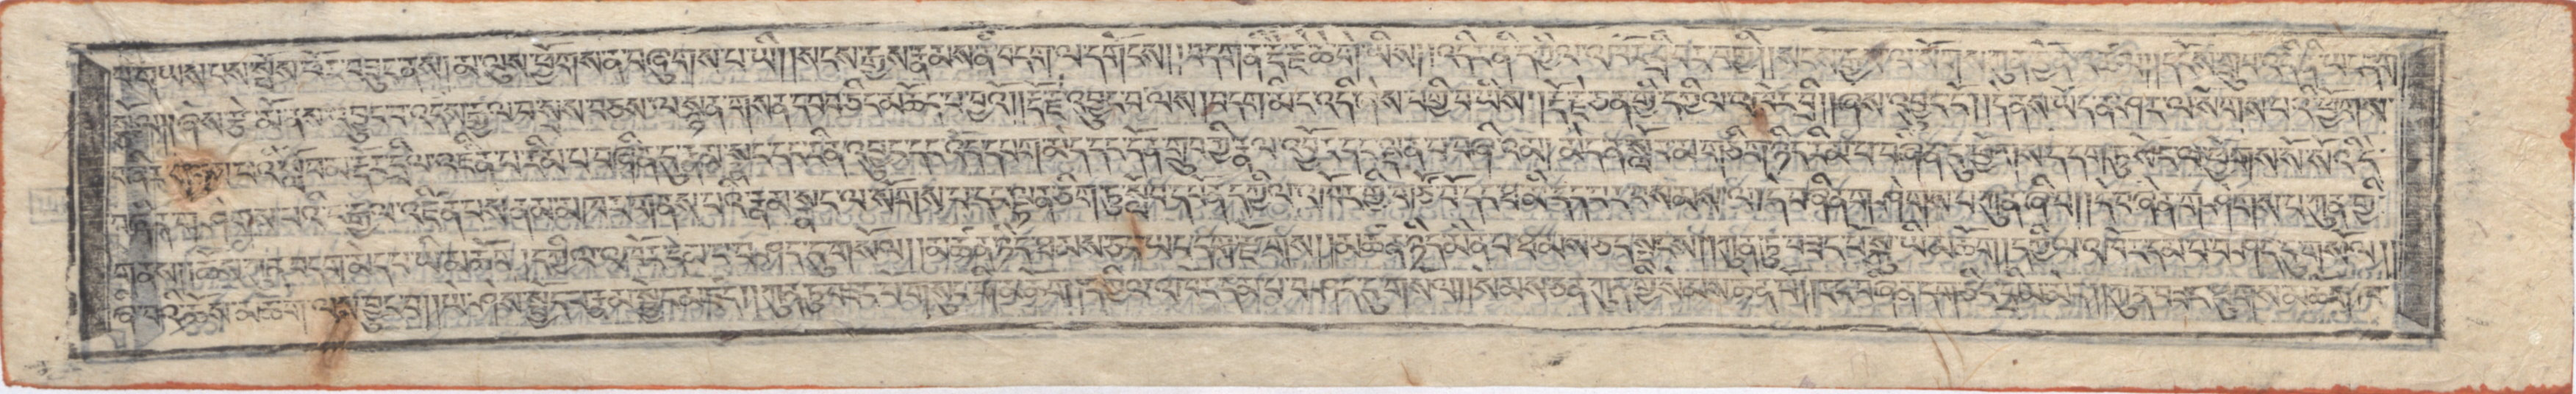པ་གཡས་པས་སྤོས་ཕོར་བཟུང་ནས། མ་ལུས་ཕྱོགས་ན་བཞུགས་པ་ཡི། །སངས་རྒྱས་རྣམས་ནི་བདག་ལ་དགོངས། །བདག་ནི་རྡོ་རྗེ་ཆེ་གེ་ཡིས། །འདིར་ནི་དཀྱིལ་འཁོར་བྲི་བར་བགྱི། །སངས་རྒྱས་ལ་སོགས་ཀུན་བྱོན་འཚལ། །དངོས་གྲུབ་འདི་ནི་ཡང་དག་
སྩོལ། །ཞེས་རྩེ་མོ་ནས་འབྱུང་བ་འདིས་རྒྱལ་བ་སྲས་བཅས་ལ་སྙན་གསན་དབབ་ཅིང་མཆོད་པ་བྱའོ། །རྡོ་རྗེ་འབྱུང་བ་ལས། བདག་མིང་འདི་ཞེས་བགྱི་བ་ཡིས། །རྡོ་རྗེ་ཅན་གྱི་དཀྱིལ་འཁོར་བྲི། །ཞེས་འབྱུང་ངོ། །དེ་ནས་ཡོད་ན་ཤར་ལ་སོགས་པའི་ཕྱོགས་
བཞིར་གནས་པའི་སློབ་མ་རྡོར་དྲིལ་འཛིན་པ་རིམ་པ་བཞིན་དུ་རྣམ་སྣང་དང་རིན་འབྱུང་དང་འོད་དཔག་མེད་དང་དོན་གྲུབ་ཀྱི་རྣལ་འབྱོར་དང་ལྡན་པ་བཞི་འམ། མེད་ན་སློབ་མ་གཅིག་ཉིད་རིམ་པ་བཞིན་དུ་ཕྱོགས་དེ་དག་ཏུ་སོང་ལ་ཕྱོགས་སོ་སོའི་དེ་
བཞིན་གཤེགས་པའི་ང་རྒྱལ་འཛིན་པས་ནམ་མཁར་གནས་པའི་རྣམ་སྣང་ལ་སོགས་པ་དང་ལྷན་ཅིག་ཏུ་སློབ་དཔོན་དཀྱིལ་འཁོར་གྱི་གཙོ་བོ་དང་ཐ་མི་དད་པར་བསམས་ལ། དེ་བཞིན་གཤེགས་པ་ཀུན་ཞི་བ། །དེ་བཞིན་གཤེགས་པ་ཀུན་གྱི་
གནས། །ཆོས་ཀུན་བདག་མེད་པ་ཡི་མཆོག །དཀྱིལ་འཁོར་དམ་པ་བཤད་དུ་གསོལ། །མཚན་ཉིད་ཐམས་ཅད་ཡང་དག་རྫོགས། །མཚན་ཉིད་མིན་པ་ཐམས་ཅད་སྤངས། །ཀུན་ཏུ་བཟང་པོ་སྐུ་ཡི་མཆོག །དཀྱིལ་འཁོར་དམ་པ་བཤད་དུ་གསོལ། །
ཞི་བའི་ཆོས་མཆོག་ལས་བྱུང་བ། །ཡེ་ཤེས་སྤྱོད་པ་རྣམ་སྦྱོང་མཛད། །ཀུན་ཏུ་བཟང་པོ་གསུང་གི་མཆོག །དཀྱིལ་འཁོར་དམ་པ་བཤད་དུ་གསོལ། །སེམས་ཅན་ཀུན་གྱི་སེམས་ཆེན་པོ། །རང་བཞིན་དག་ཅིང་དྲི་མ་མེད། །ཀུན་བཟང་ཐུགས་མཆོག་ཁ་